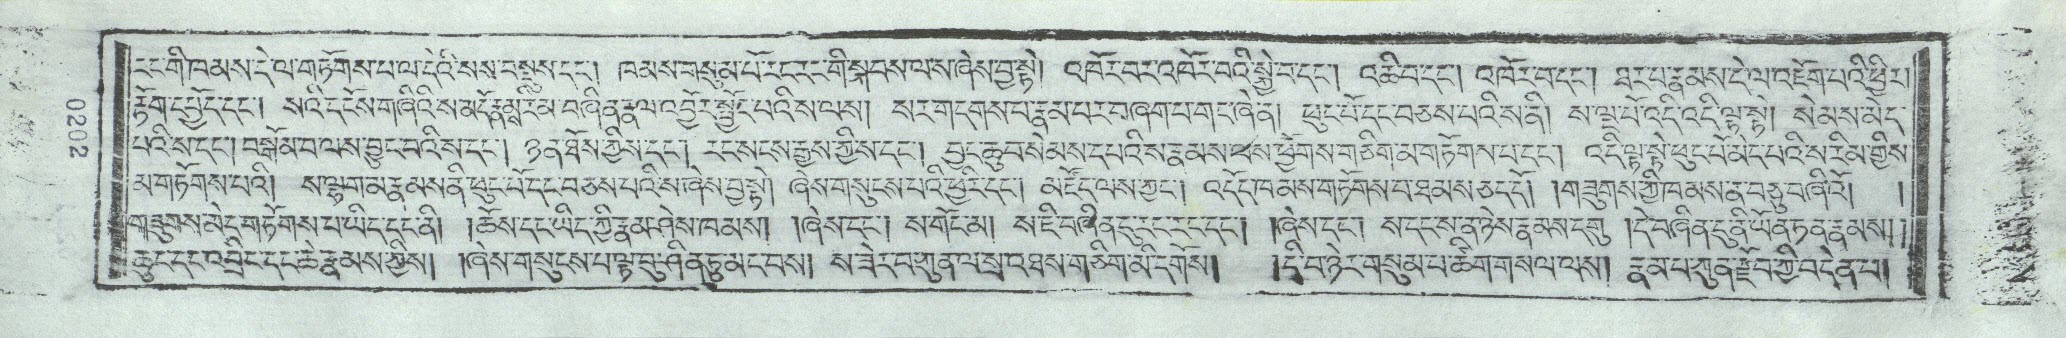རང་གི་ཁམས་དེ་ལ་གཏོགས་པ་ལ་དེའི་སས་བསྡུས་དང་། ཁམས་གསུམ་པོ་རང་རང་གི་སྐབས་ལས་ཞེས་བྱ་སྟེ། འཁོར་བར་འཁོར་བའི་སྐྱེ་བ་དང་། འཆི་བ་དང་། འཁོར་བ་དང་། ཐར་པ་རྣམས་དེ་ལ་འཇོག་པའི་ཕྱིར།
རྟོག་དཔྱོད་དང་། སའི་དངོས་གཞིའི་ས་མདོ་རྣམས་རིམ་བཞིན་རྣལ་འབྱོར་སྤྱོད་པའི་ས་ལས། སར་གདགས་པ་རྣམ་པར་བཞག་པ་གང་ཞེ་ན། ཕུང་པོ་དང་བཅས་པའི་ས་ནི། ས་ལྔ་པོ་འདི་འདི་ལྟ་སྟེ། སེམས་མེད་
པའི་ས་དང་། བསྒོམ་བ་ལས་བྱུང་བའི་ས་དང་། ཉན་ཐོས་ཀྱིས་དང་། རང་སངས་རྒྱས་ཀྱིས་དང་། བྱང་ཆུབ་སེམས་དཔའི་ས་རྣམས་ལས་ཕྱོགས་གཅིག་མ་གཏོགས་པ་དང་། འདི་ལྟ་སྟེ་ཕུང་པོ་མེད་པའི་ས་རིམ་གྱིས་
མ་གཏོགས་པའི། ས་ལྷག་མ་རྣམས་ནི་ཕུང་པོ་དང་བཅས་པའི་ས་ཞེས་བྱ་སྟེ། ཞེས་གསུངས་པའི་ཕྱིར་དང་། མཛོད་ལས་ཀྱང་། འདོད་ཁམས་གཏོགས་པ་ཐམས་ཅད་དོ། །གཟུགས་ཀྱི་ཁམས་ན་བཅུ་བཞིའོ། །
གཟུགས་མེད་གཏོགས་པ་ཡིད་དང་ནི། །ཆོས་དང་ཡིད་ཀྱི་རྣམ་ཤེས་ཁམས། །ཞེས་དང་། ས་གོང་མ། ས་ཇི་བཞིན་དུ་རང་རང་དང་། །ཞེས་དང་། ས་དང་ས་ན་ཉེས་རྣམས་དགུ །དེ་བཞིན་དུ་ནི་ཡོན་ཏན་རྣམས།།
ཆུང་དང་འབྲིང་དང་ཆེ་རྣམས་ཀྱིས། །ཞེས་གསུངས་པ་ལྟ་བུ་ཤིན་ཏུ་མང་བས། ས་ཟེར་བ་ཀུན་ལ་སྲ་འཐས་གཅིག་མི་དགོས། །དྲི་བ་ཉེར་གསུམ་པ་ཚིག་གསལ་ལས། རྣམ་པ་ཀུན་རྫོབ་ཀྱི་བདེན་པ།